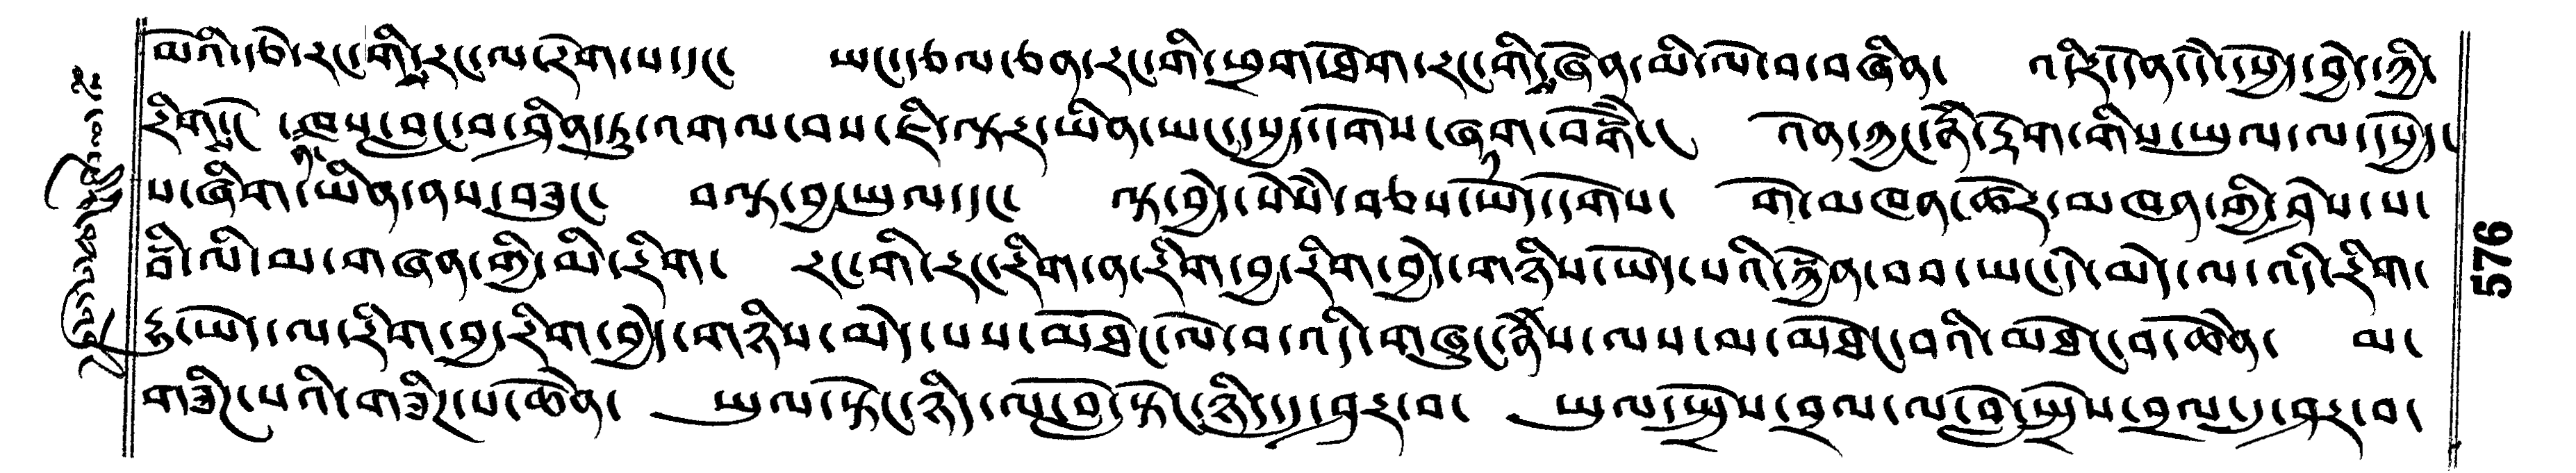མོའི་རྩེ་རང་གིས་རང་ལ་རེག་པ་དང་། ཡང་རྩལ་ཅན་རང་གི་ཕྲག་ཐོག་རང་བཞོན་མི་ལོ་བ་བཞིན། འདིར་དོན་དམ་དཔྱོད་བྱེད་ཀྱི་
རིགས་ངོ་ན་ཁས་བླང་བ་ཤིན་ཏུ་འགལ་བས་ཇི་ལྟར་ཡིན་ཡང་དཔྱད་དགོས་ཞག་གཅིག་བསྒོམ། འོན་ཀྱང་རྣམ་རྟོག་གིས་ཡུལ་ལ་དཔྱོད་
པ་ཞིག་ཡིན་ནས་བཟུང་། བལྟ་བྱ་ཡུལ་དང་། ལྟ་བྱེད་སེམས་བཅས་ཡོད་དགོས། གོ་མཁན་ཚོར་མཁན་གྱི་ཤེས་པ་
སྦི་ལི་མ་གཞན་གྱིས་མི་རིག རང་གིས་རང་རིག་ན་རིག་བྱ་རིག་བྱེད་གཉིས་ཡོད་པའི་སྐྱོན་བབ་ཀྱང་དེ་མེད་ལ་འདི་རིག་
རྒྱུ་ཡོད་ལ་རིག་བྱ་རིག་བྱེད་གཉིས་མེད་པས་མཐོང་ལོ་བ་འདི་གཞུང་རྣམས་ལས། མ་མཐོང་བའི་མཐོང་བ་ཆེན་པོ། མ་
གཟིགས་པའི་གཟིགས་པ་ཆེན་པོ། ཡུལ་སྟོང་ཉིད་ལ་བློ་སྟོང་ཉིད་དུ་ཤར་བ། ཡུལ་སྤྲོས་བྲལ་ལ་བློ་སྤྲོས་བྲལ་དུ་ཤར་བ་